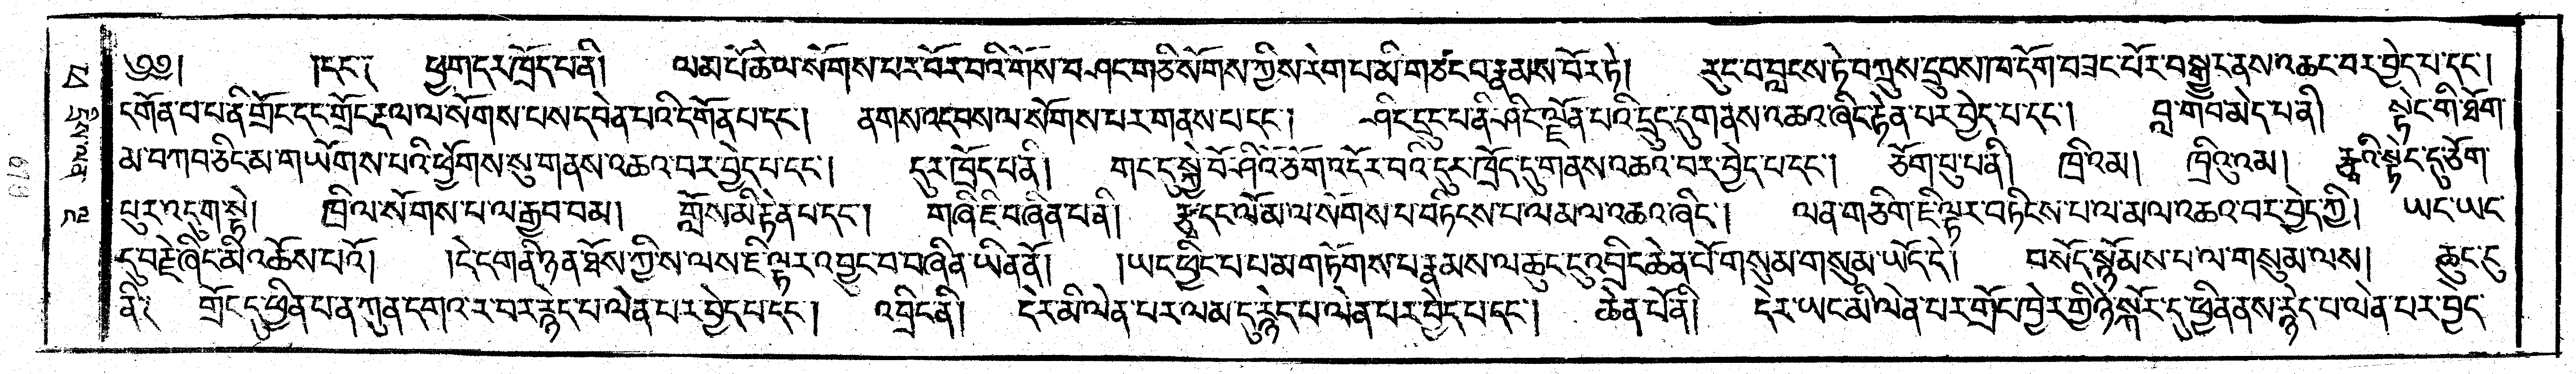༄༅། །དང༑ ཕྱག་དར་ཁྲོད་པ་ནི། ལམ་པོ་ཆེ་ལ་སོགས་པར་བོར་བའི་གོས་བཤང་གཅི་སོགས་ཀྱིས་རེག་པ་མི་གཙང་བ་རྣམས་པོར་ཏེ། རུང་བ་བླངས་ཏེ་བཀྲུས་དྲུབས་ཁ་དོག་བཟང་པོར་བསྒྱུར་ནས་འཆང་བར་བྱེད་པ་དང་།
དགོན་པ་པ་ནི་གྲོང་དང་གྲོང་རྡལ་ལ་སོགས་པས་དབེན་པའི་དགོན་པ་དང་། ནགས་འདབས་ལ་སོགས་པར་གནས་པ་དང་། ཤིང་དྲུང་པ་ནི་ཤིང་ལྗོན་པའི་དྲུང་དུ་གནས་འཆའ་ཞིང་རྟེན་པར་བྱེད་པ་དང་། བླ་གབ་མེད་པ་ནི། སྟེང་གི་ཐོག་
མ་བཀབ་ཅིང་མ་གཡོགས་པའི་ཕྱོགས་སུ་གནས་འཆའ་བར་བྱེད་པ་དང་། དུར་ཁྲོད་པ་ནི། གང་དུ་སྐྱེ་བོ་ཤིའོ་ཅོག་འདོར་བའི་དུར་ཁྲོད་དུ་གནས་འཆའ་བར་བྱེད་པ་དང་། ཅོག་པུ་པ་ནི། ཁྲིའམ། ཁྲིའུ་འམ། རྩྭའི་སྟེང་དུ་ཅོག་
པུར་འདུག་སྟེ། ཁྲི་ལ་སོགས་པ་ལ་རྒྱབ་བམ། གློས་མི་རྟེན་པ་དང་། གཞི་ཇི་བཞིན་པ་ནི། རྩྭ་དང་ལོ་མ་ལ་སོགས་པ་བཏིངས་པ་ལ་མལ་འཆའ་ཞིང་། ལན་གཅིག་ཇི་ལྟར་བཏིངས་པ་ལ་མལ་འཆའ་བར་བྱེད་ཀྱི། ཡང་ཡང་
དུ་བརྗེ་ཞིང་མི་འཆོས་པའོ། །དེ་དག་ནི་ཉན་ཐོས་ཀྱི་ས་ལས་ཇི་ལྟར་འབྱུང་བ་བཞིན་ཡིན་ནོ། །ཡང་ཕྱིང་པ་པ་མ་གཏོགས་པ་རྣམས་ལ་ཆུང་དུ་འབྲིང་ཆེན་པོ་གསུམ་གསུམ་ཡོད་དེ། བསོད་སྙོམས་པ་ལ་གསུམ་ལས། ཆུང་དུ་
ནི༑ གྲོང་དུ་ཕྱིན་པ་ན་ཀུན་དགའ་ར་བར་རྙེད་པ་ལེན་པར་བྱེད་པ་དང་། འབྲིང་ནི། དེར་མི་ལེན་པར་ལམ་དུ་རྙེད་པ་ལེན་པར་བྱེད་པ་དང་། ཆེན་པོ་ནི། དེར་ཡང་མི་ལེན་པར་གྲོང་ཁྱེར་གྱི་ཉེ་སྐོར་དུ་ཕྱིན་ནས་རྙེད་པ་ལེན་པར་བྱེད་